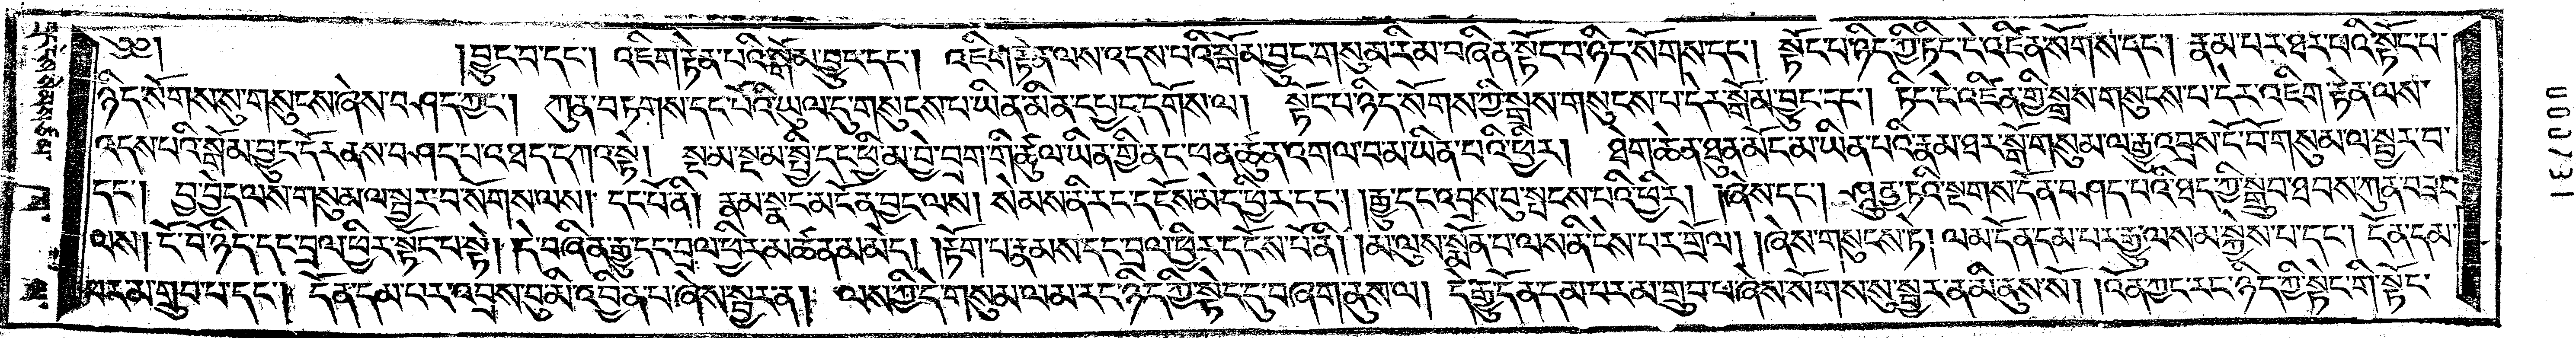༄༅། །བྱུང་བ་དང་། འཇིག་རྟེན་པའི་སྒོམ་བྱུང་དང་། འཇིག་རྟེན་ལས་འདས་པའི་སྒོམ་བྱུང་གསུམ་རིམ་བཞིན་སྟོང་པ་ཉིད་སོགས་དང་། སྟོང་པ་ཉིད་ཀྱི་ཏིང་ངེ་འཛིན་སོགས་དང་། རྣམ་པར་ཐར་པའི་སྟོང་པ་
ཉིད་སོགས་སུ་གསུངས་ཞེས་བཤད་ཀྱང་། ཀུན་བཏགས་དང་པོའི་ཡུལ་དུ་གསུངས་པ་ཡིན་མིན་དཔྱད་དགོས་ལ། སྟོང་པ་ཉིད་སོགས་ཀྱི་སྒྲས་གསུངས་པ་དེར་སྒོམ་བྱུང་དང་། ཏིང་ངེ་འཛིན་གྱི་སྒྲས་གསུངས་པ་དེར་འཇིག་རྟེན་ལས་
འདས་པའི་སྒོམ་བྱུང་དོར་ནས་བཤད་པ་འཐད་དཀའ་སྟེ། སྔ་མ་སྔ་མ་སྤྱི་དང་ཕྱི་མ་བྱེ་བྲག་གི་ཚུལ་ཡིན་གྱི་ནང་ཕན་ཚུན་འགལ་བ་མ་ཡིན་པའི་ཕྱིར། ཐེག་ཆེན་ཐུན་མོང་མ་ཡིན་པའི་རྣམ་ཐར་སྒོ་གསུམ་ལ་རྒྱུ་འབྲས་ངོ་བོ་གསུམ་ལ་སྦྱར་བ་
དང་། བྱ་བྱེད་ལས་གསུམ་ལ་སྦྱར་བ་སོགས་ལས། དང་པོ་ནི། རྣམ་སྣང་མངོན་བྱང་ལས། སེམས་ནི་རང་དངོས་མེད་ཕྱིར་དང་། །རྒྱུ་དང་འབྲས་བུ་སྤངས་པའི་ཕྱིར། །ཞེས་དང་། ཤཱུ་ནཡ་ཏའི་སྔགས་དོན་བཤད་པའི་ཐད་ཀྱི་སྒྲུབ་ཐབས་ཀུན་བཟང་
ལས། ངོ་བོ་ཉིད་དང་བྲལ་ཕྱིར་སྟོང་པ་སྟེ། །དེ་བཞིན་རྒྱུ་དང་བྲལ་ཕྱིར་མཚན་མ་མེད། །རྟོག་པ་རྣམས་དང་བྲལ་ཕྱིར་དངོས་པོ་ནི། །མ་ལུས་སྨོན་པ་ལས་ནི་ངེས་པར་གྲོལ། །ཞེས་གསུངས་ཏེ། ལམ་དོན་དམ་པར་རྒྱུ་ལས་མ་སྐྱེས་པ་དང་། དོན་དམ་
པར་མ་གྲུབ་པ་དང་། དོན་དམ་པར་འབྲས་བུ་མི་འབྱིན་པ་ཞེས་སྦྱར་ན། ལས་ཀྱི་དེ་གསུམ་ལམ་རང་ཉིད་ཀྱི་སྟེང་དུ་བཞག་ནུས་ལ། དེ་རྒྱུ་དོན་དམ་པར་མ་གྲུབ་པ་ཞེས་སོགས་སུ་སྦྱར་ན་མི་ནུས་སོ། །འོན་ཀྱང་རང་ཉིད་ཀྱི་སྟེང་གི་སྟོང་